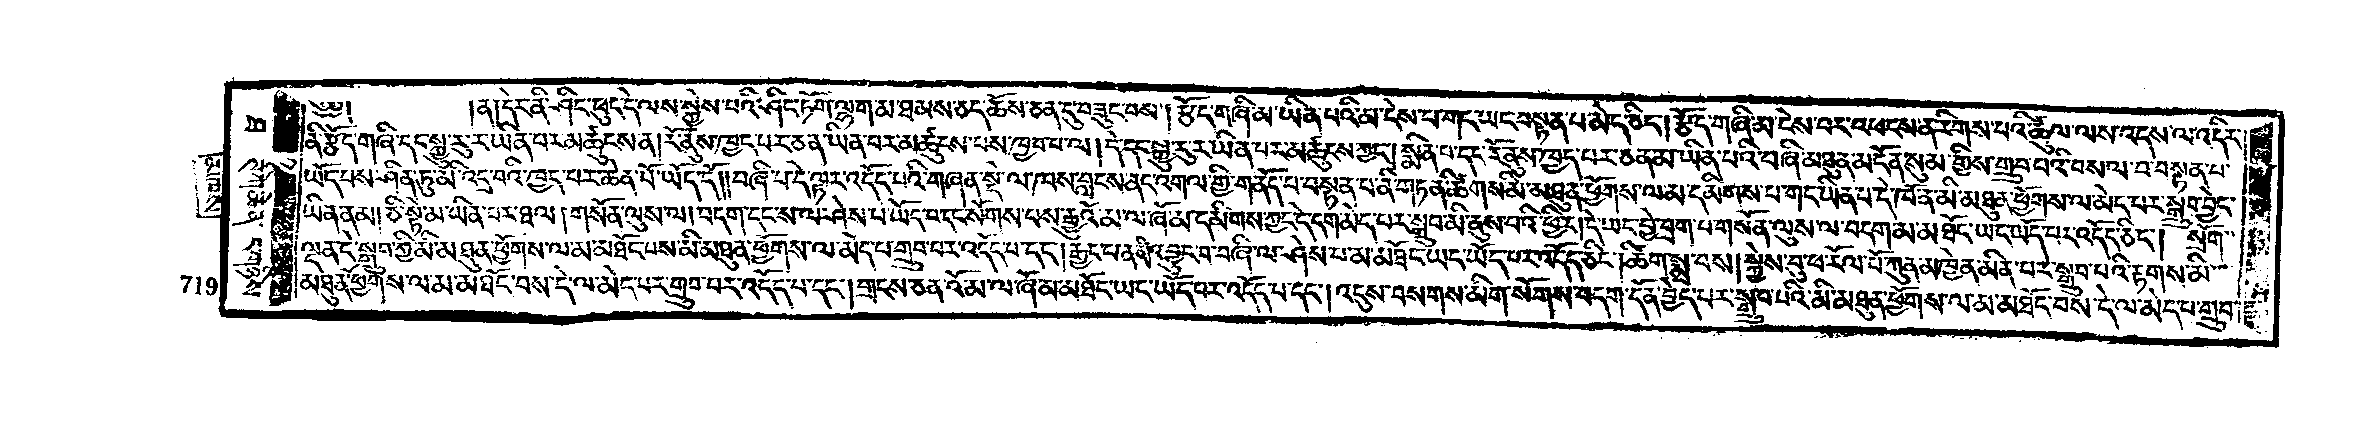༄༅། །ན༑ དེར་ནི་ཤིང་ཕུང་དེ་ལས་སྐྱེས་པའི་ཤིང་ཏོག་ལྷག་མ་ཐམས་ཅད་ཆོས་ཅན་དུ་བཟུང་བས། རྩོད་གཞི་མ་ཡིན་པའི་མ་ངེས་པ་གང་ཡང་བསྟན་པ་མེད་ཅིང་། རྩོད་གཞི་མ་ངེས་པར་འཕངས་ན་རིགས་པའི་ཚུལ་ལས་འདས་ལ་འདིར་
ནི་རྩོད་གཞི་དང་སྐྱུ་རུ་ར་ཡིན་པར་མཚུངས་ན། རོ་ནུས་ཁྱད་པར་ཅན་ཡིན་པར་མཚུངས་པས་ཁྱབ་པ་ལ། དེ་དང་སྐྱུ་རུ་ར་ཡིན་པར་མཚུངས་ཀྱང་། སྨིན་པ་དང་རོ་ནུས་ཁྱད་པར་ཅན་མ་ཡིན་པའི་གཞི་མཐུན་མངོན་སུམ་གྱིས་གྲུབ་པའི་བསལ་བ་བསྟན་པ་
ཡོད་པས་ཤིན་ཏུ་མི་འདྲ་བའི་ཁྱད་པར་ཆེན་པོ་ཡོད་དོ། །བཞི་པ་དེ་ལྟར་འདོད་པའི་གཞན་སྡེ་ལ་ཁས་བླངས་ནང་འགལ་གྱི་གནོད་པ་བསྟན་པ་ནི་གཏན་ཚིགས་མི་མཐུན་ཕྱོགས་ལ་མ་དམིགས་པ་གང་ཡིན་པ་དེ་ཁོ་ན་མི་མཐུན་ཕྱོགས་ལ་མེད་པར་སྒྲུབ་བྱེད་
ཡིན་ནམ། ཅི་སྟེ་མ་ཡིན་པར་ཐལ། གསོན་ལུས་ལ་བདག་དང་ས་ལ་ཤེས་པ་ཡོད་པ་དང་སོགས་པས་རྒྱུའོ་མ་ལ་ཞོ་མ་དམིགས་ཀྱང་དེ་དག་མེད་པར་སྒྲུབ་མི་ནུས་པའི་ཕྱིར། དེ་ཡང་བྱེ་བྲག་པ་གསོན་ལུས་ལ་བདག་མ་མཐོང་ཡང་ཡོད་པར་འདོད་ཅིང་། སྲོག་
ལྡན་དེ་སྒྲུབ་ཀྱི་མི་མཐུན་ཕྱོགས་ལ་མ་མཐོང་བས་མི་མཐུན་ཕྱོགས་ལ་མེད་པ་གྲུབ་པར་འདོད་པ་དང་། རྒྱང་པ་ན་མི་འབྱུང་བ་བཞི་ལ་ཤེས་པ་མ་མཐོང་ཡང་ཡོད་པར་འདོད་ཅིང་། ཚིག་སྨྲ་བས། སྐྱེས་བུ་ཕ་རོལ་པོ་ཀུན་མཁྱེན་མིན་པར་སྒྲུབ་པའི་རྟགས་མི་
མཐུན་ཕྱོགས་ལ་མ་མཐོང་བས་དེ་ལ་མེད་པར་གྲུབ་པར་འདོད་པ་དང་། གྲངས་ཅན་འོ་མ་ལ་ཞོ་མ་མཐོང་ཡང་ཡོད་པར་འདོད་པ་དང་། འདུས་བསགས་མིག་སོགས་བདག་དོན་བྱེད་པར་སྒྲུབ་པའི་མི་མཐུན་ཕྱོགས་ལ་མ་མཐོང་བས་དེ་ལ་མེད་པ་གྲུབ་